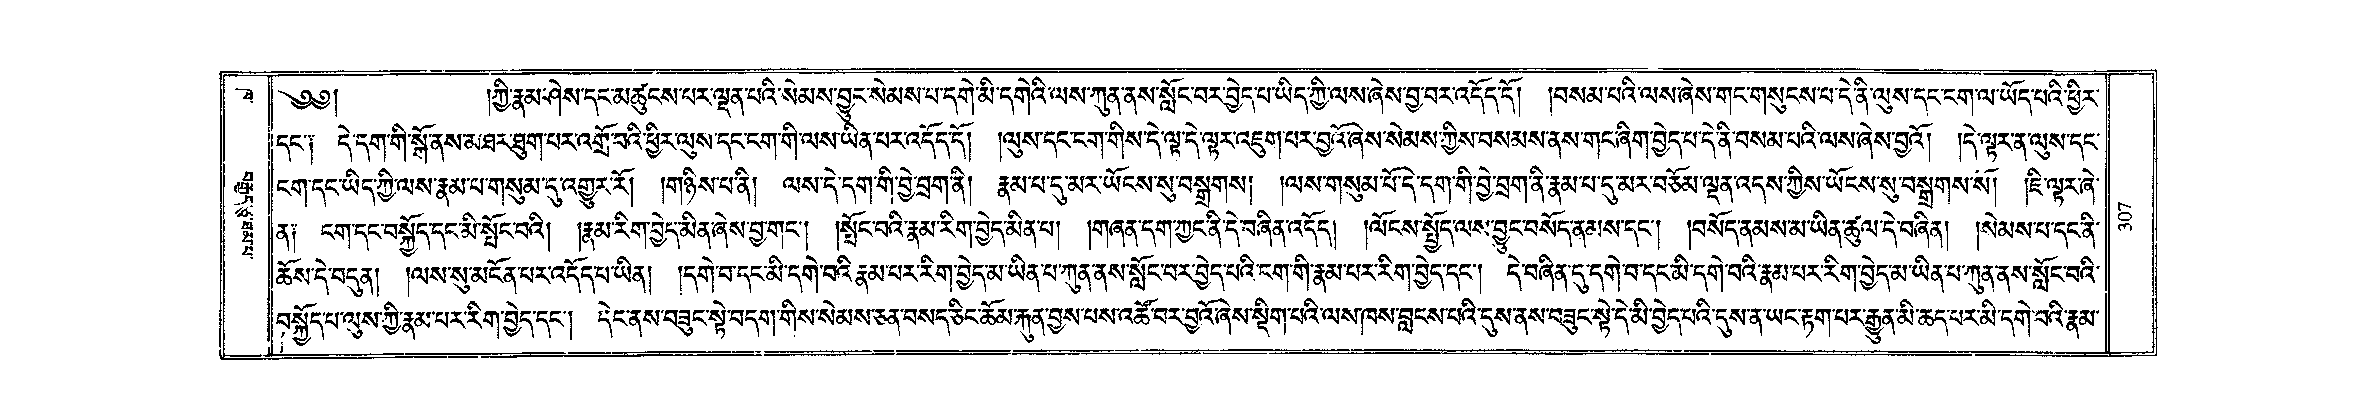༄༅། །ཀྱི་རྣམ་ཤེས་དང་མཚུངས་པར་ལྡན་པའི་སེམས་བྱུང་སེམས་པ་དགེ་མི་དགེའི་ལས་ཀུན་ནས་སློང་བར་བྱེད་པ་ཡིད་ཀྱི་ལས་ཞེས་བྱ་བར་འདོད་དོ། །བསམ་པའི་ལས་ཞེས་གང་གསུངས་པ་དེ་ནི་ལུས་དང་ངག་ལ་ཡོད་པའི་ཕྱིར་
དང༑ དེ་དག་གི་སྒོ་ནས་མཐར་ཐུག་པར་འགྲོ་བའི་ཕྱིར་ལུས་དང་ངག་གི་ལས་ཡིན་པར་འདོད་དོ། །ལུས་དང་ངག་གིས་དེ་ལྟ་དེ་ལྟར་འཇུག་པར་བྱའོ་ཞེས་སེམས་ཀྱིས་བསམས་ནས་གང་ཞིག་བྱེད་པ་དེ་ནི་བསམ་པའི་ལས་ཞེས་བྱའོ། །དེ་ལྟར་ན་ལུས་དང་
ངག་དང་ཡིད་ཀྱི་ལས་རྣམ་པ་གསུམ་དུ་འགྱུར་རོ། །གཉིས་པ་ནི། ལས་དེ་དག་གི་བྱེ་བྲག་ནི། རྣམ་པ་དུ་མར་ཡོངས་སུ་བསྒྲགས། །ལས་གསུམ་པོ་དེ་དག་གི་བྱེ་བྲག་ནི་རྣམ་པ་དུ་མར་བཅོམ་ལྡན་འདས་ཀྱིས་ཡོངས་སུ་བསྒྲགས་སོ། །ཇི་ལྟར་ཞེ་
ན༑ ངག་དང་བསྐྱོད་དང་མི་སྤོང་བའི། །རྣམ་རིག་བྱེད་མིན་ཞེས་བྱ་གང་། །སྤོང་བའི་རྣམ་རིག་བྱེད་མིན་པ། །གཞན་དག་ཀྱང་ནི་དེ་བཞིན་འདོད། །ལོངས་སྤྱོད་ལས་བྱུང་བསོད་ནམས་དང་། །བསོད་ནམས་མ་ཡིན་ཚུལ་དེ་བཞིན། །སེམས་པ་དང་ནི་
ཆོས་དེ་བདུན། །ལས་སུ་མངོན་པར་འདོད་པ་ཡིན། །དགེ་བ་དང་མི་དགེ་བའི་རྣམ་པར་རིག་བྱེད་མ་ཡིན་པ་ཀུན་ནས་སློང་བར་བྱེད་པའི་ངག་གི་རྣམ་པར་རིག་བྱེད་དང་། དེ་བཞིན་དུ་དགེ་བ་དང་མི་དགེ་བའི་རྣམ་པར་རིག་བྱེད་མ་ཡིན་པ་ཀུན་ནས་སློང་བའི་
བསྐྱོད་པ་ལུས་ཀྱི་རྣམ་པར་རིག་བྱེད་དང་། དེང་ནས་བཟུང་སྟེ་བདག་གིས་སེམས་ཅན་བསད་ཅིང་ཆོམ་རྐུན་བྱས་པས་འཚོ་བར་བྱའོ་ཞེས་སྡིག་པའི་ལས་ཁས་བླངས་པའི་དུས་ནས་བཟུང་སྟེ་དེ་མི་བྱེད་པའི་དུས་ན་ཡང་རྟག་པར་རྒྱུན་མི་ཆད་པར་མི་དགེ་བའི་རྣམ་